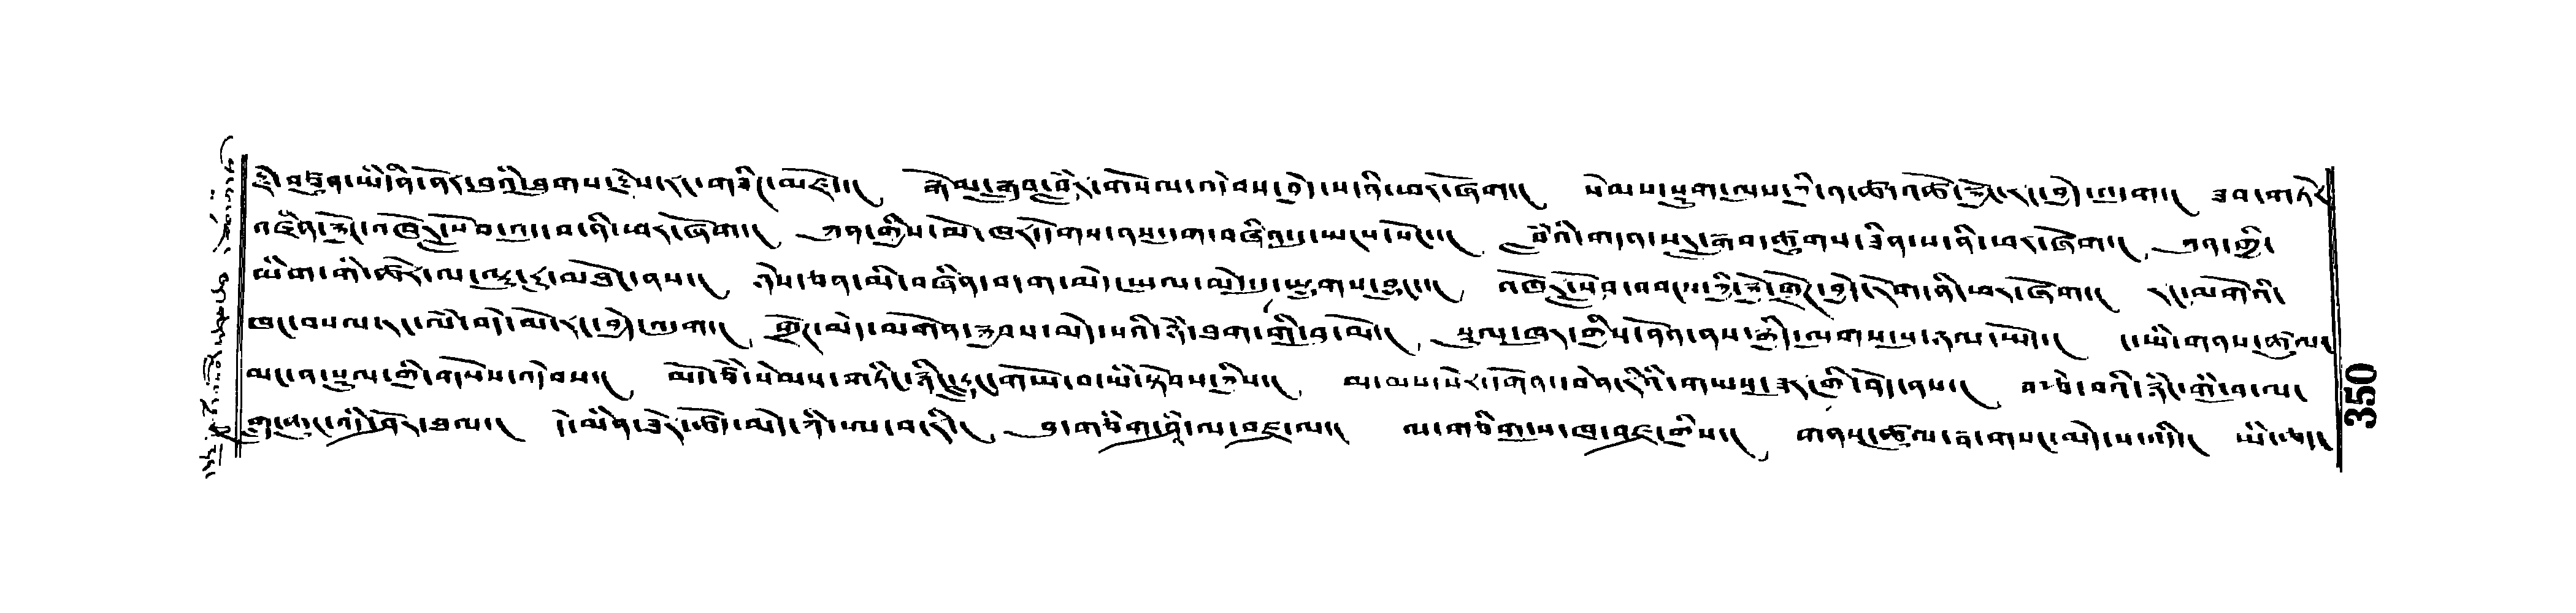།རྗེ་བཙུན་ཡིད་བཞིན་ནོར་བུའི་ཐུགས་རྗེས་རང་གཟིགས་མཛོད། །སྒོམ་སྒྲུབ་བླ་མར་གསོལ་འདེབས་བྱེད་པ་ནི་ཕར་ཞོག །སེམས་སྡུག་ལུས་ཀྱི་ན་ཚ་འཚོ་སྐྱོང་རང་བྱེད་འདུག །ཟབ་གཏེར་
འཛིན་སྐྱོང་འཁོར་སློབ་འདུ་བ་ནི་ཕར་ཞོག །ཀུན་གྱིས་མོ་ཁར་དོགས་ནས་དུག་བཞིན་དུ་སྤངས་སོང་། །བླ་མའི་གདན་སར་སྒྲུབ་ཚུགས་ཟིན་པ་ནི་ཕར་ཞོག །ཀུན་གྱི་
མིག་གི་ཚེར་མ་ལྟ་བུ་རུ་མཐོང་ནས། །ཉེས་ཅན་མི་བཞིན་བདག་མེད་ཡུལ་མེད་དུ་སྤྱུགས་བྱུང་། །འཁོར་སློབ་འབངས་ཀྱི་སྐྱོ་གྲོགས་བྱེད་རོགས་ནི་ཕར་ཞོག །རང་མགོའི་
ཁང་བསལ་རང་ལམ་བདེ་མོ་རང་བྱེད་འདུག །གྲོགས་མེད་མགོན་སྐྱབས་མེད་པའི་ཉམ་ཐག་གི་བུ་མོ། །སྡུག་བསྔལ་ཁུར་གྱིས་ནོན་ནས་སྒྱིད་ལུགས་སུ་ཉལ་ཡོད། །ང་ཡི་གནས་ཚུལ་
མང་ན་སྡུག་བསྔལ་གྱི་གསོས་འདེབས། །མདོ་ཙམ་སེམས་གཏིང་སྙིང་རླུང་གཡོ་བ་ཡི་སྟོབས་ཀྱིས། །མ་མས་སེར་དགོན་དབེན་རིའི་གཡས་ཟུར་གྱི་ཤོད་ནས། །བརྩེ་བའི་སྙིང་གི་བུ་ལ་
གླུ་ཆུང་འདི་ཤོར་ཐལ། །དེ་མིན་ཟེར་ཚོད་མེད་ཀི་ཨ་བ་རི། །བུ་གཅིག་ཤཱི་ལ་བཛྲ་ལ། །མ་གཅིག་སུ་ཁ་བཛྲ་གྱིས། །གནས་ཚུལ་སྦ་གསང་མེད་པ་འདི། །ཡི་ཆད་